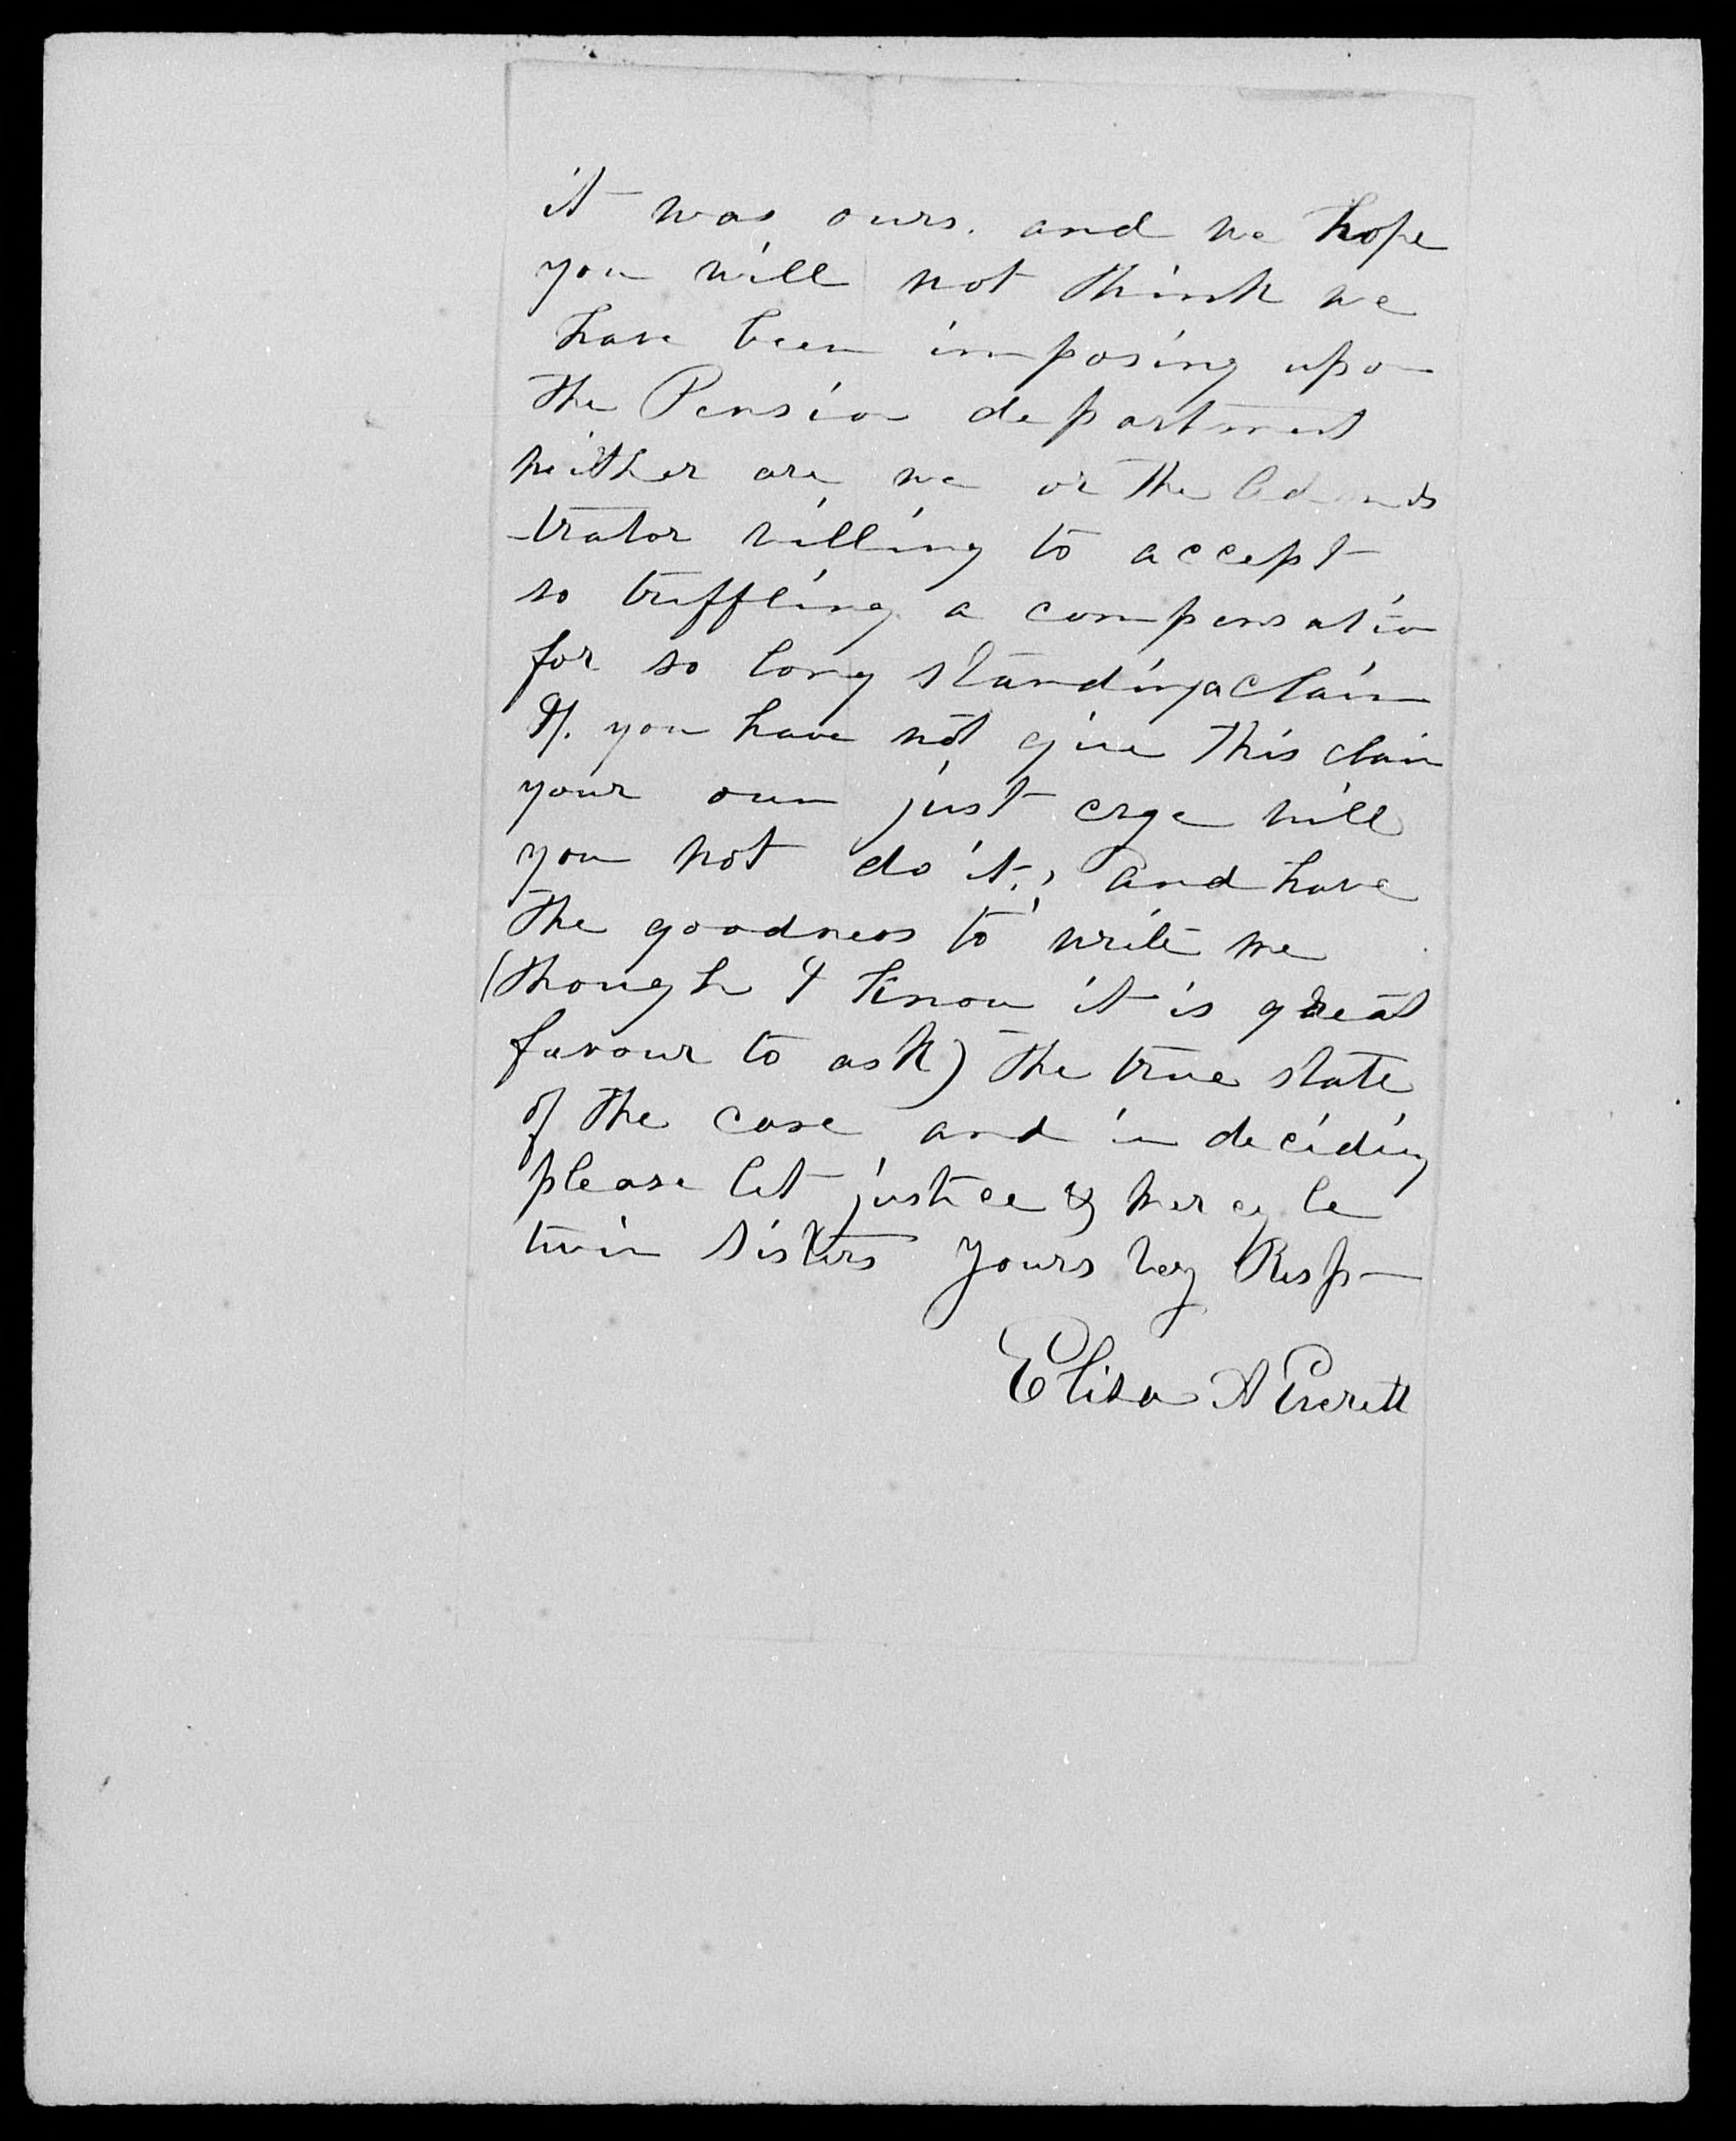it was ours and we hope you will not think we have been imposing upon the Pension department neither are we or the Administrator willing to accept so triffling [trifling] a compensation for so long standing a claim If you have not give this claim your own just eye will you not do it; and have the goodness to write me (though I know it is great favour to ask) the true state of the case and in deciding please let justice & mercy be twin sisters Yours Very Resp_
Elisa A Everett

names: Elisa A Everett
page: 25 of 59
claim: widow's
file: W. 23017, Richard Clair Everett, Mass.